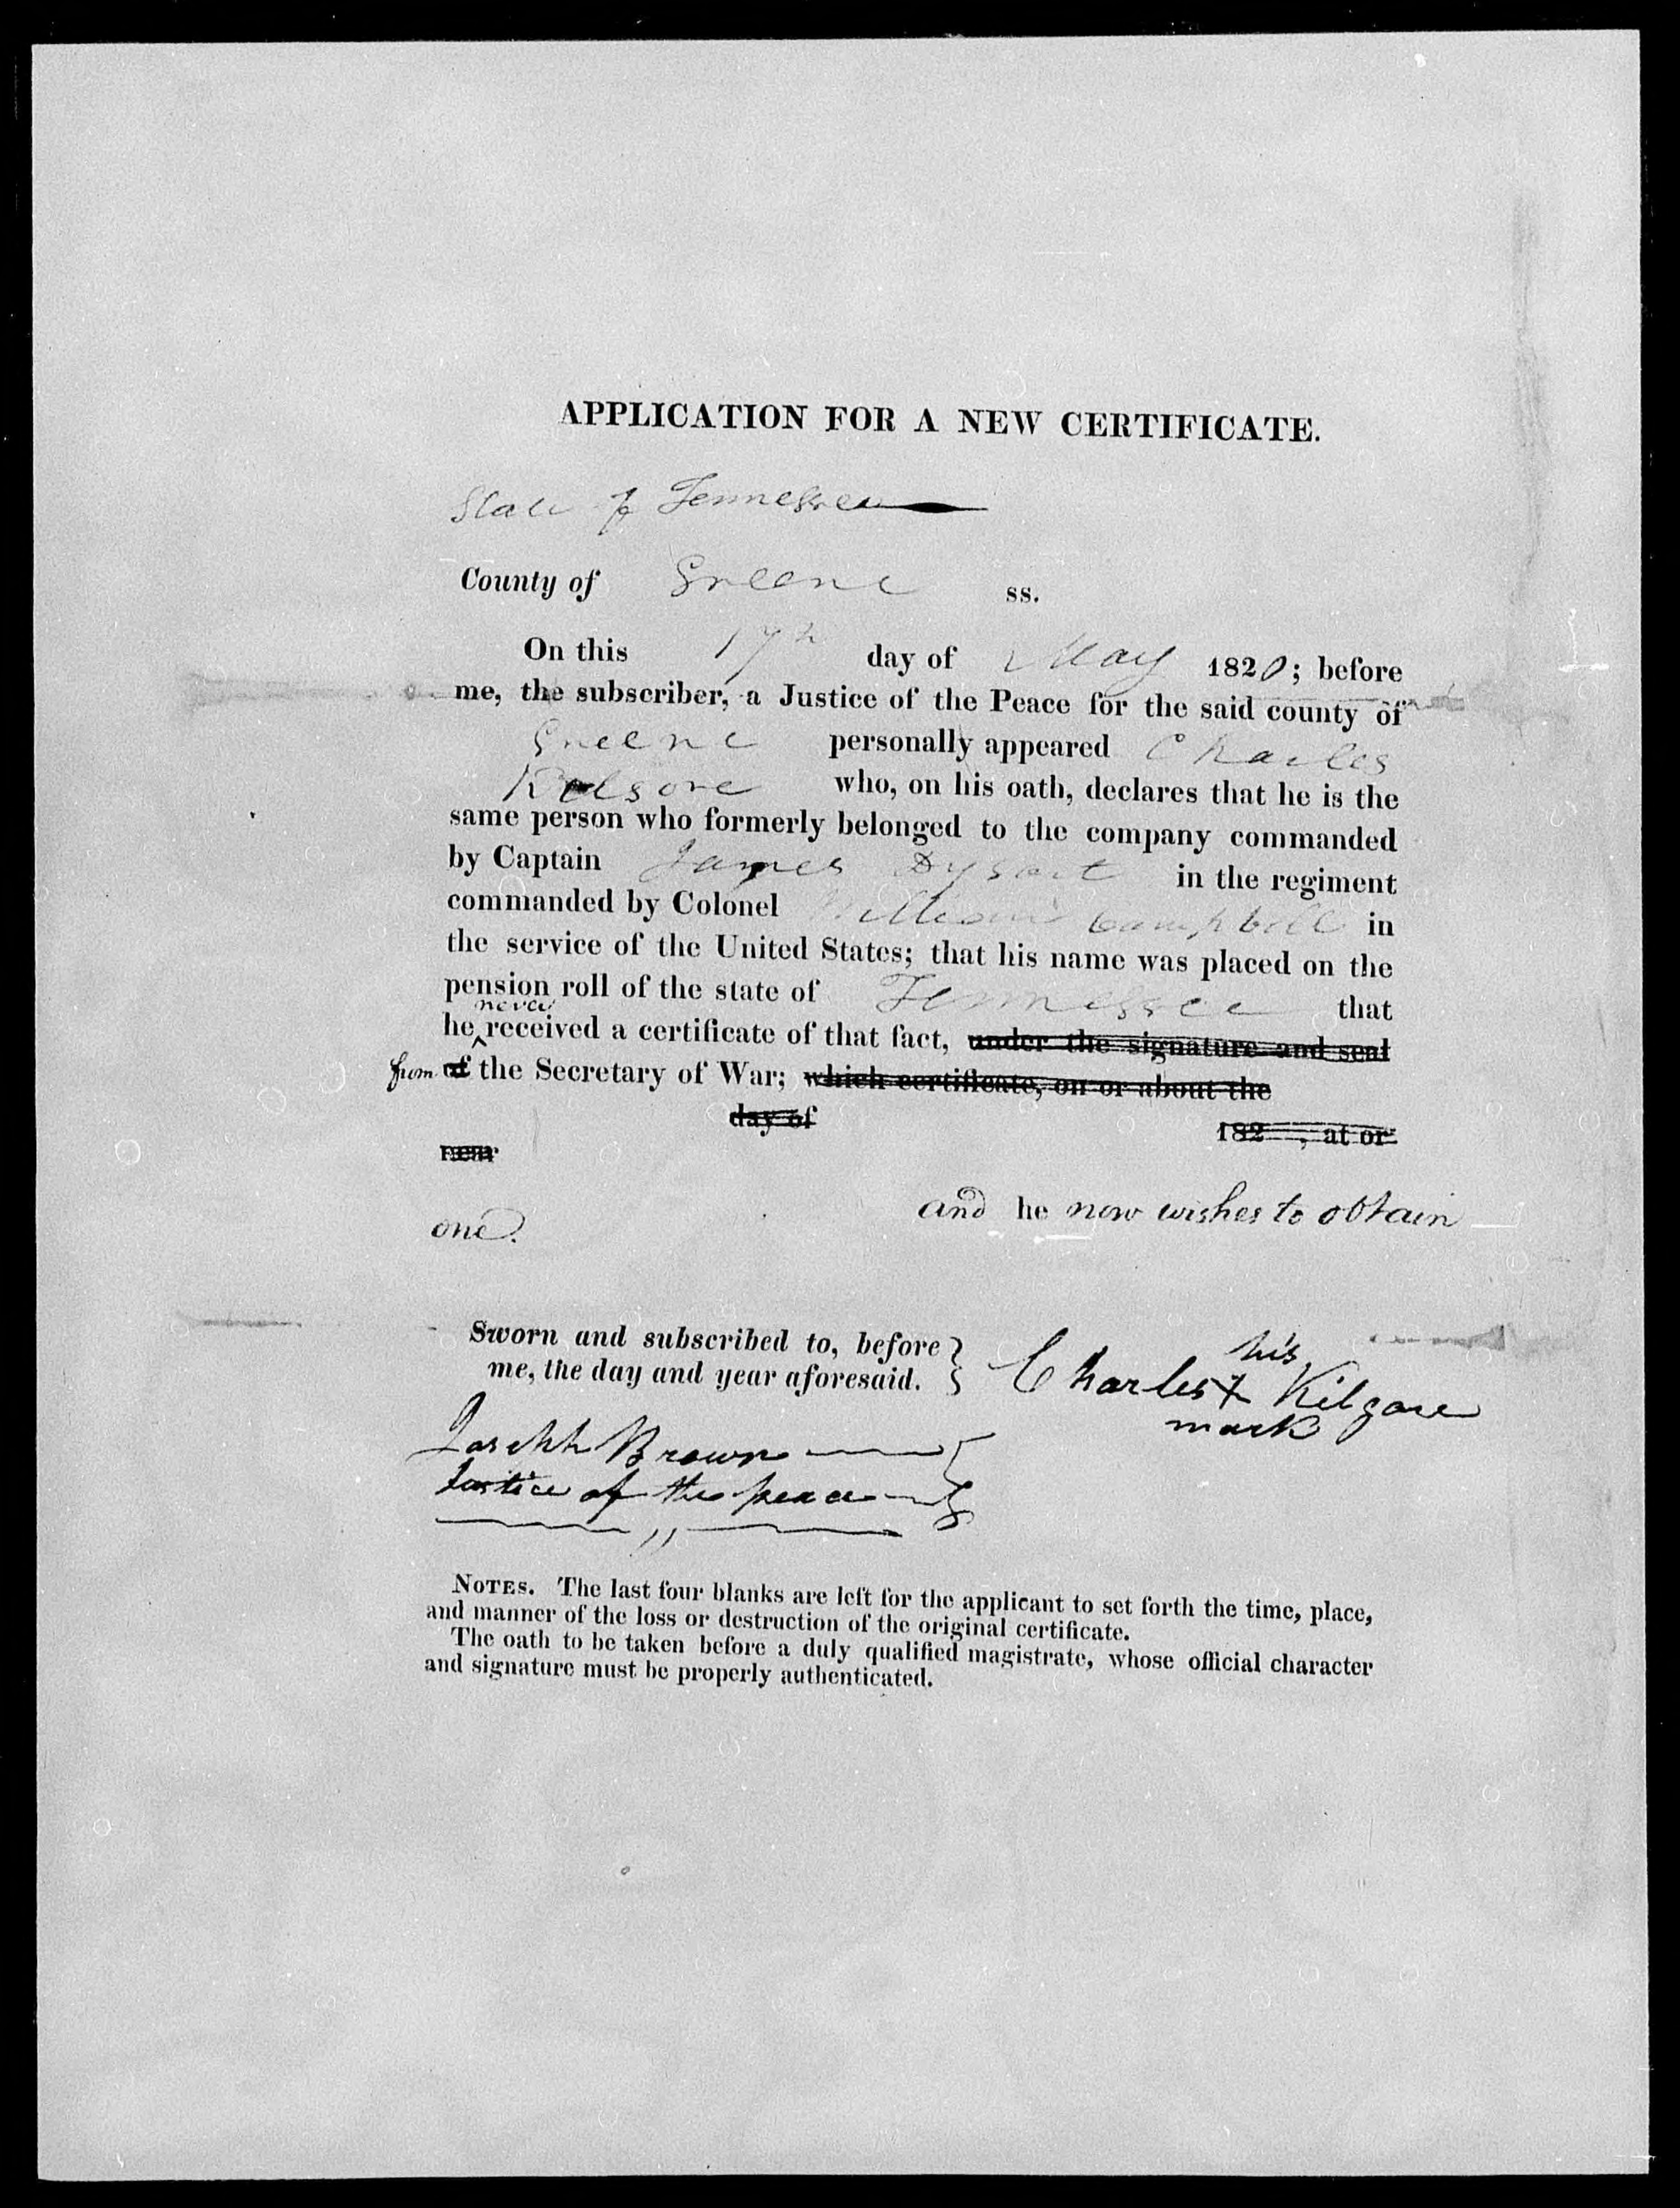APPLICATION FOR A NEW CERTIFICATE.
State of Tennessee
County of Greene ss.
On this 17th day of May 1820; before me, the subscriber, a Justice of the Peace for the said county of Greene personally appeared Charles Kilgore who, on his oath, declares that he is the same person who formerly belonged to the company commanded by Captain James Dysart in the regiment commanded by Colonel William Campbell in the service of the United States; that his name was placed on the pension roll of the state of Tennessee that he never received a certificate of that fact, [crossed out: under the signature and seal of] from the Secretary of War; [crossed out: which certificate, on or about the [BLANK] day of [BLANK] 182 [BLANK], at or near] and he now wishes to obtain one.
Charles Kilgore, his X mark

Sworn and subscribed to, before me, the day and year aforesaid}
Joseph Brown
Justice of the Peace

NOTES. The last four blanks are left for the applicant to set forth the time, place, and manner of the loss or destruction of the original certificate.
The oath to be taken before a duly qualified magistrate, whose official character and signature must be properly authenticated.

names: Charles Kilgore; James Dysart; William Campbell; Joseph Brown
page: 5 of 115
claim: survivor's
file: S. 699, for Charles Kilgore, Virginia